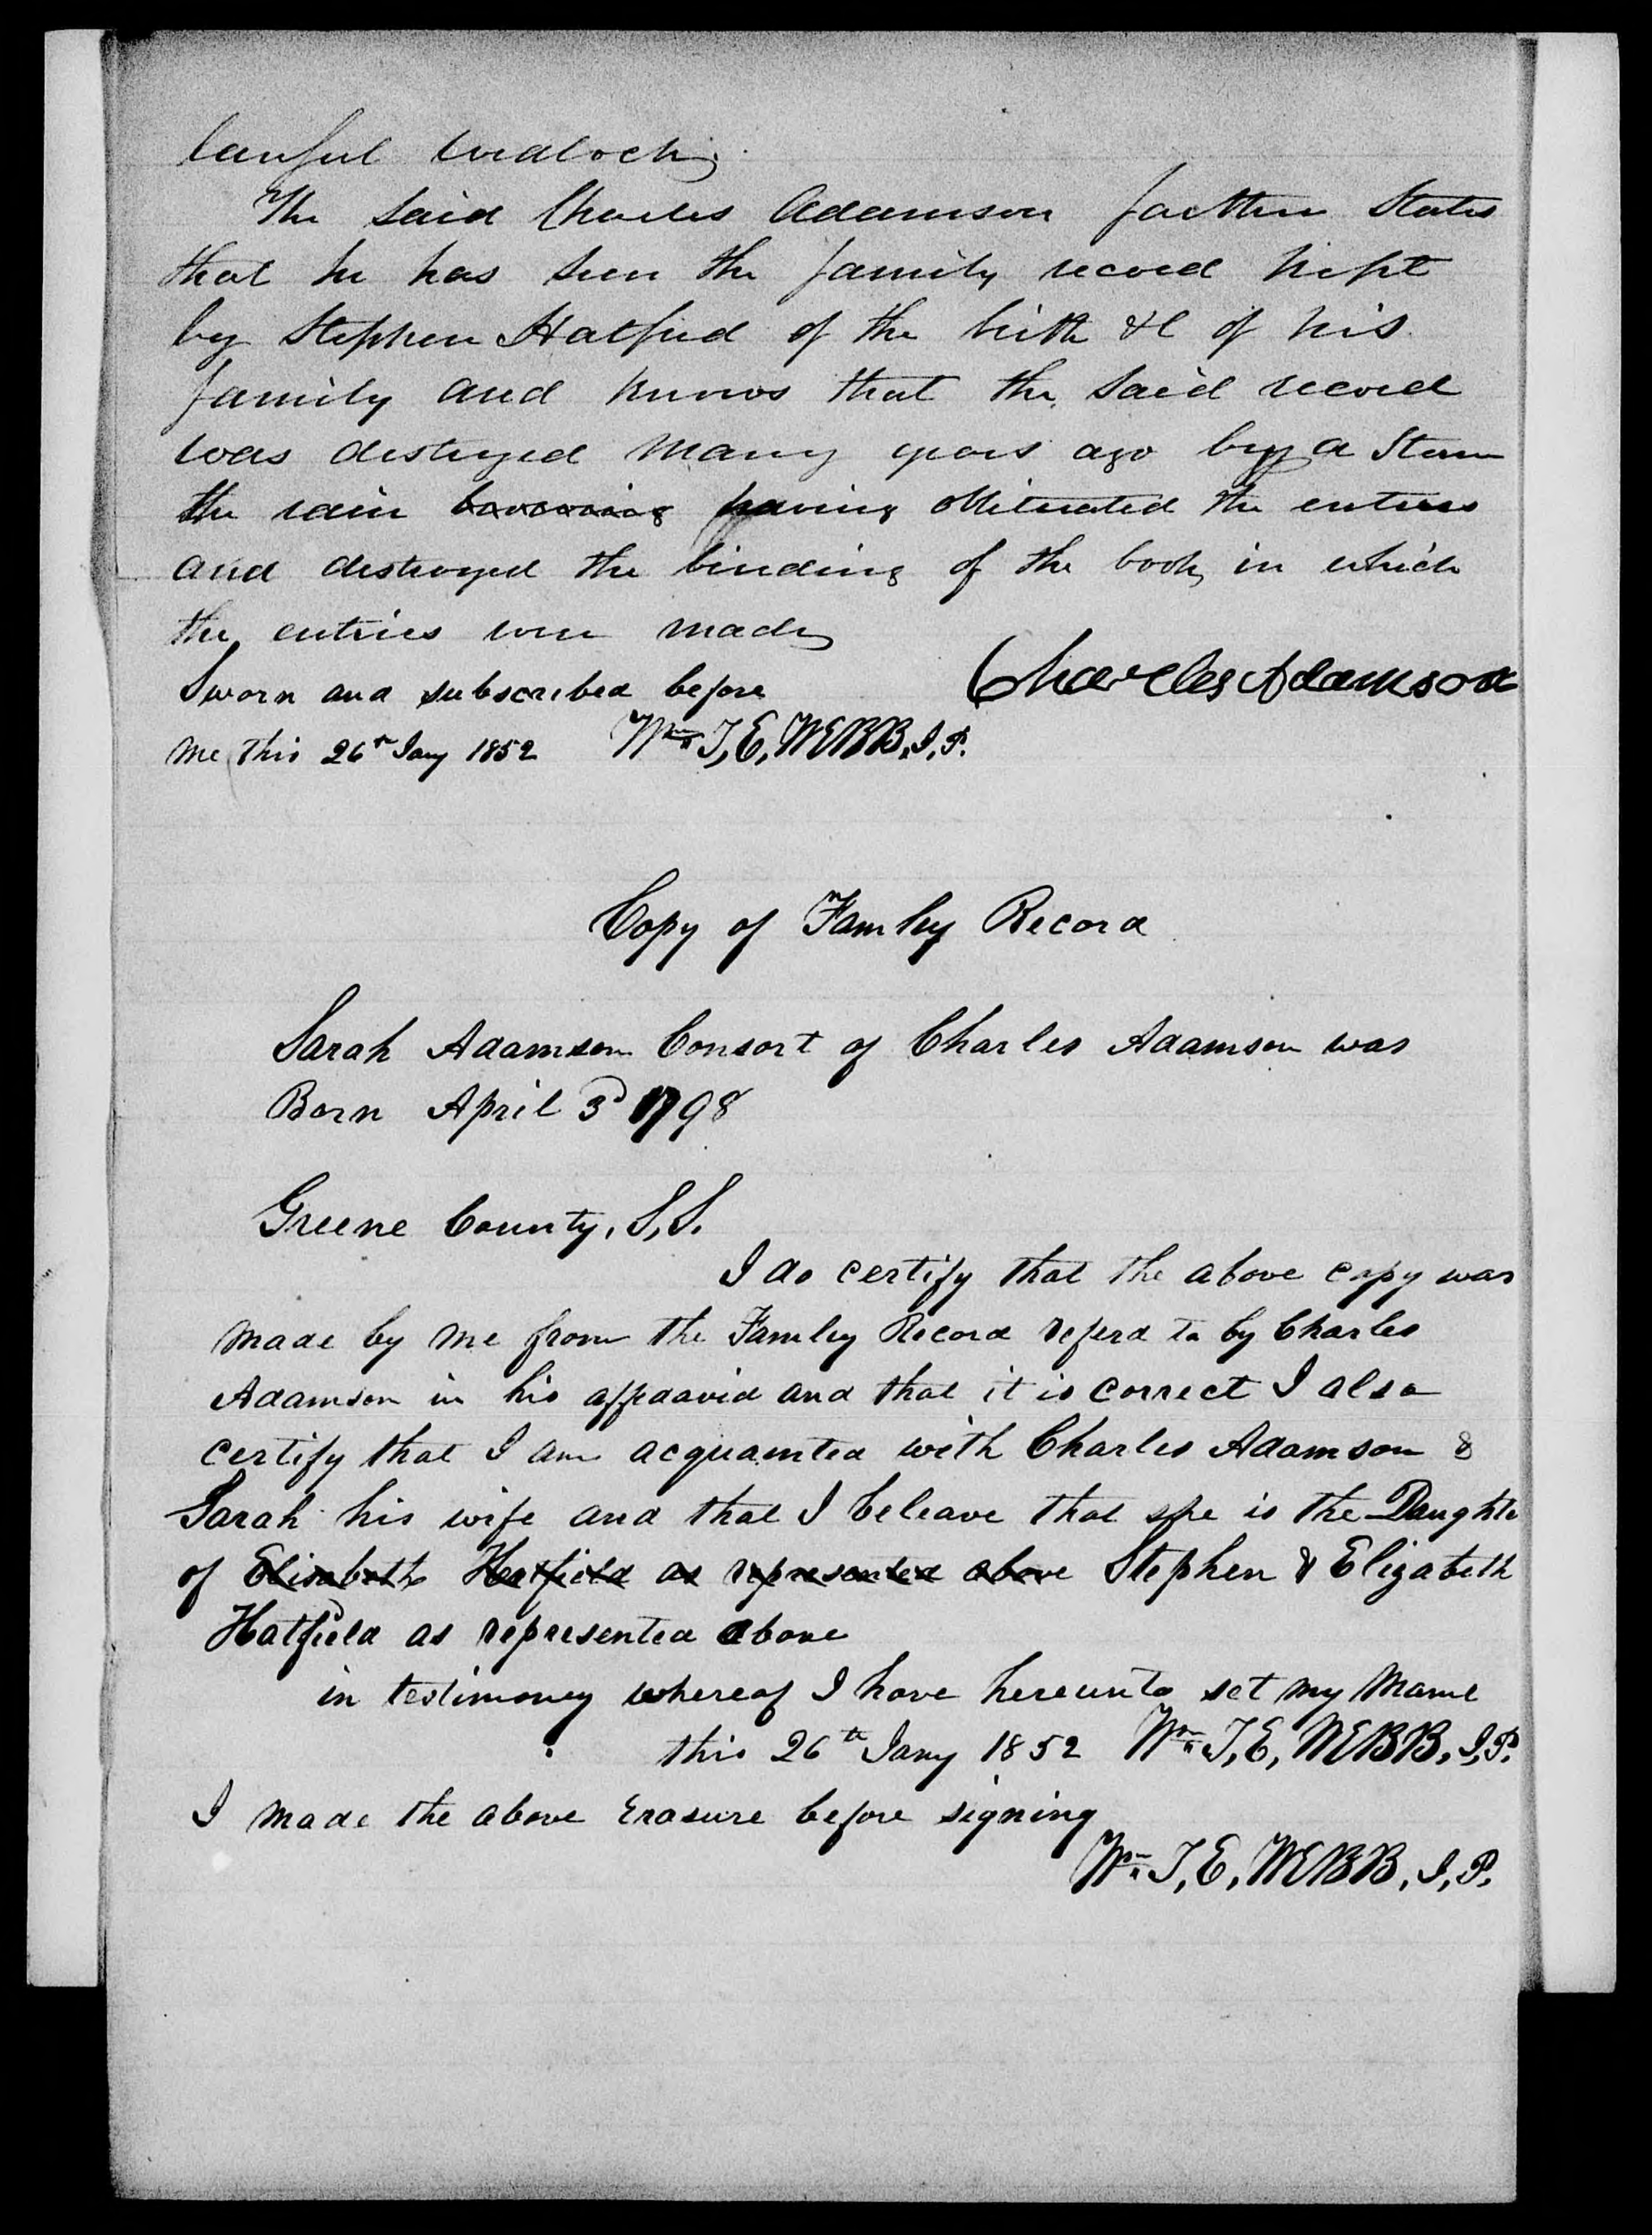lawful [illegible]
The Said Charles Adamson further states
that he has seen the family record kept
by Stephen Hatfield of the birth [illegible] of his
family and knows that the said record
was destroyed many years ago by a storm
the said [illegible, and struck out]  _ _  _ ing obliterated the entries
and destroyed the binding of the book in which
the entries were made
Charles Adamson [see comment]
Sworn and subscribed before
me this 26th Jany 1852
Wm. T.E. Webb J.P.

Copy of Famly Record
Sarah Adamson Consort of Charles Adamson was
Born April 5, 1798
Greene County, S.S.
I do certify that the above copy was
made by me from The Family Record referd To by Charles
Adamson in his affadavit and that it is correct I also
certify that I am acquainted with Charles Adamson &
Sarah his wife and that I beliave that she is the Daughte["r" is truncated]
of [the following words were written and then struck out] Elisabeth Hatfield as represented above [this ends the struck out section.  It is replaced by the following.]
Stephen & Elizabeth Hatfield as represented above
in testimony whereof I have hereunto set my name
this 26th Jany 1852
Wm. J.E. Webb J.P.
I made the above Erasure before signing
Wm. T.E. Webb, J.P.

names: Charles Adamson, Elisabeth Hatfield, Sarah Adamson, Wm T E Webb, Wm T E Webb, Charles Adamson, Stephen Hatfied, Charles Adamson, Elizabeth Hatfield, Sarah, Charles Adamson, Wm T E Webb, Charles Adamson, Stephen Hatfield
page: 39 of 45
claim: widow's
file: W. 2734, Stephen Hetfield, New Jersey